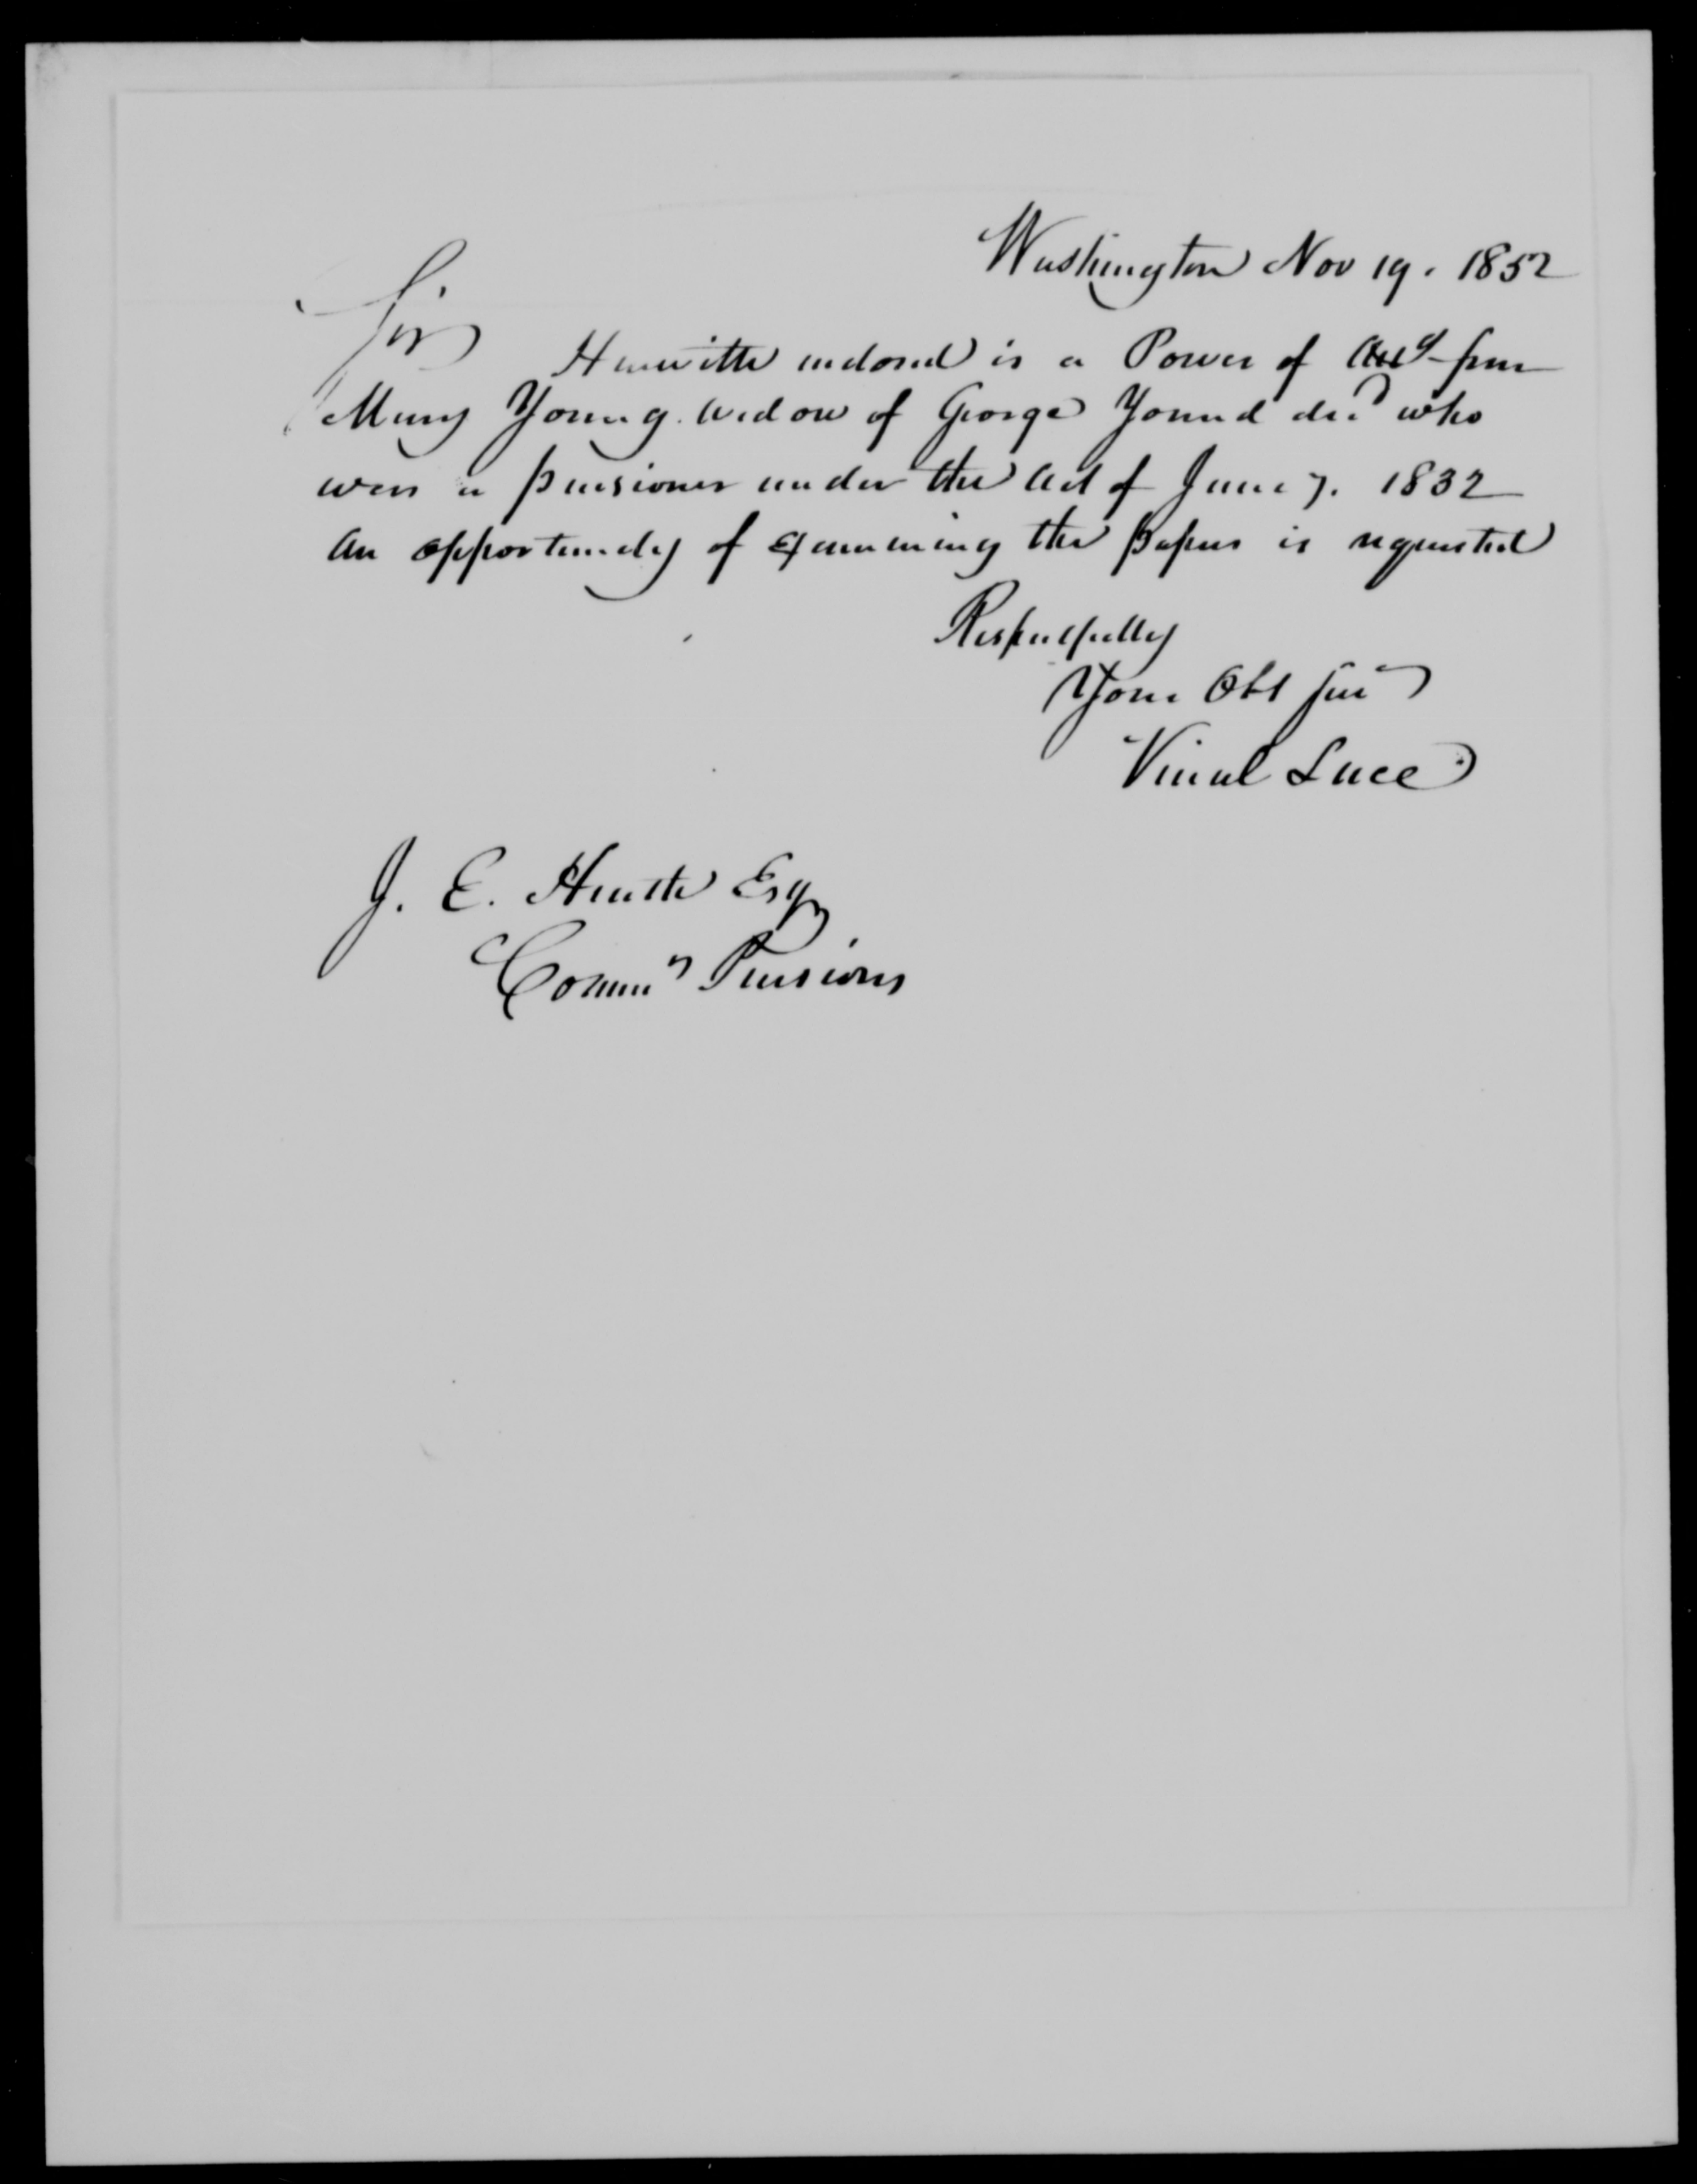Sir

Washington Nov 19. 1852
Herewith inclosed is a power of Attorny  for
Mary Young Widow of George Young  who
was a pensioner under the act of June 7, 1832
an opportundy of obtaining the papers is requested
Respectfully
J.E. Heath Esq
Comm Pensions
Your Ob serv
Vinal Luce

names: George Yound, J E Heath, Vinal Luce, Mary Young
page: 62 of 67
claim: widow's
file: W. 7379, George Young, New Jersey